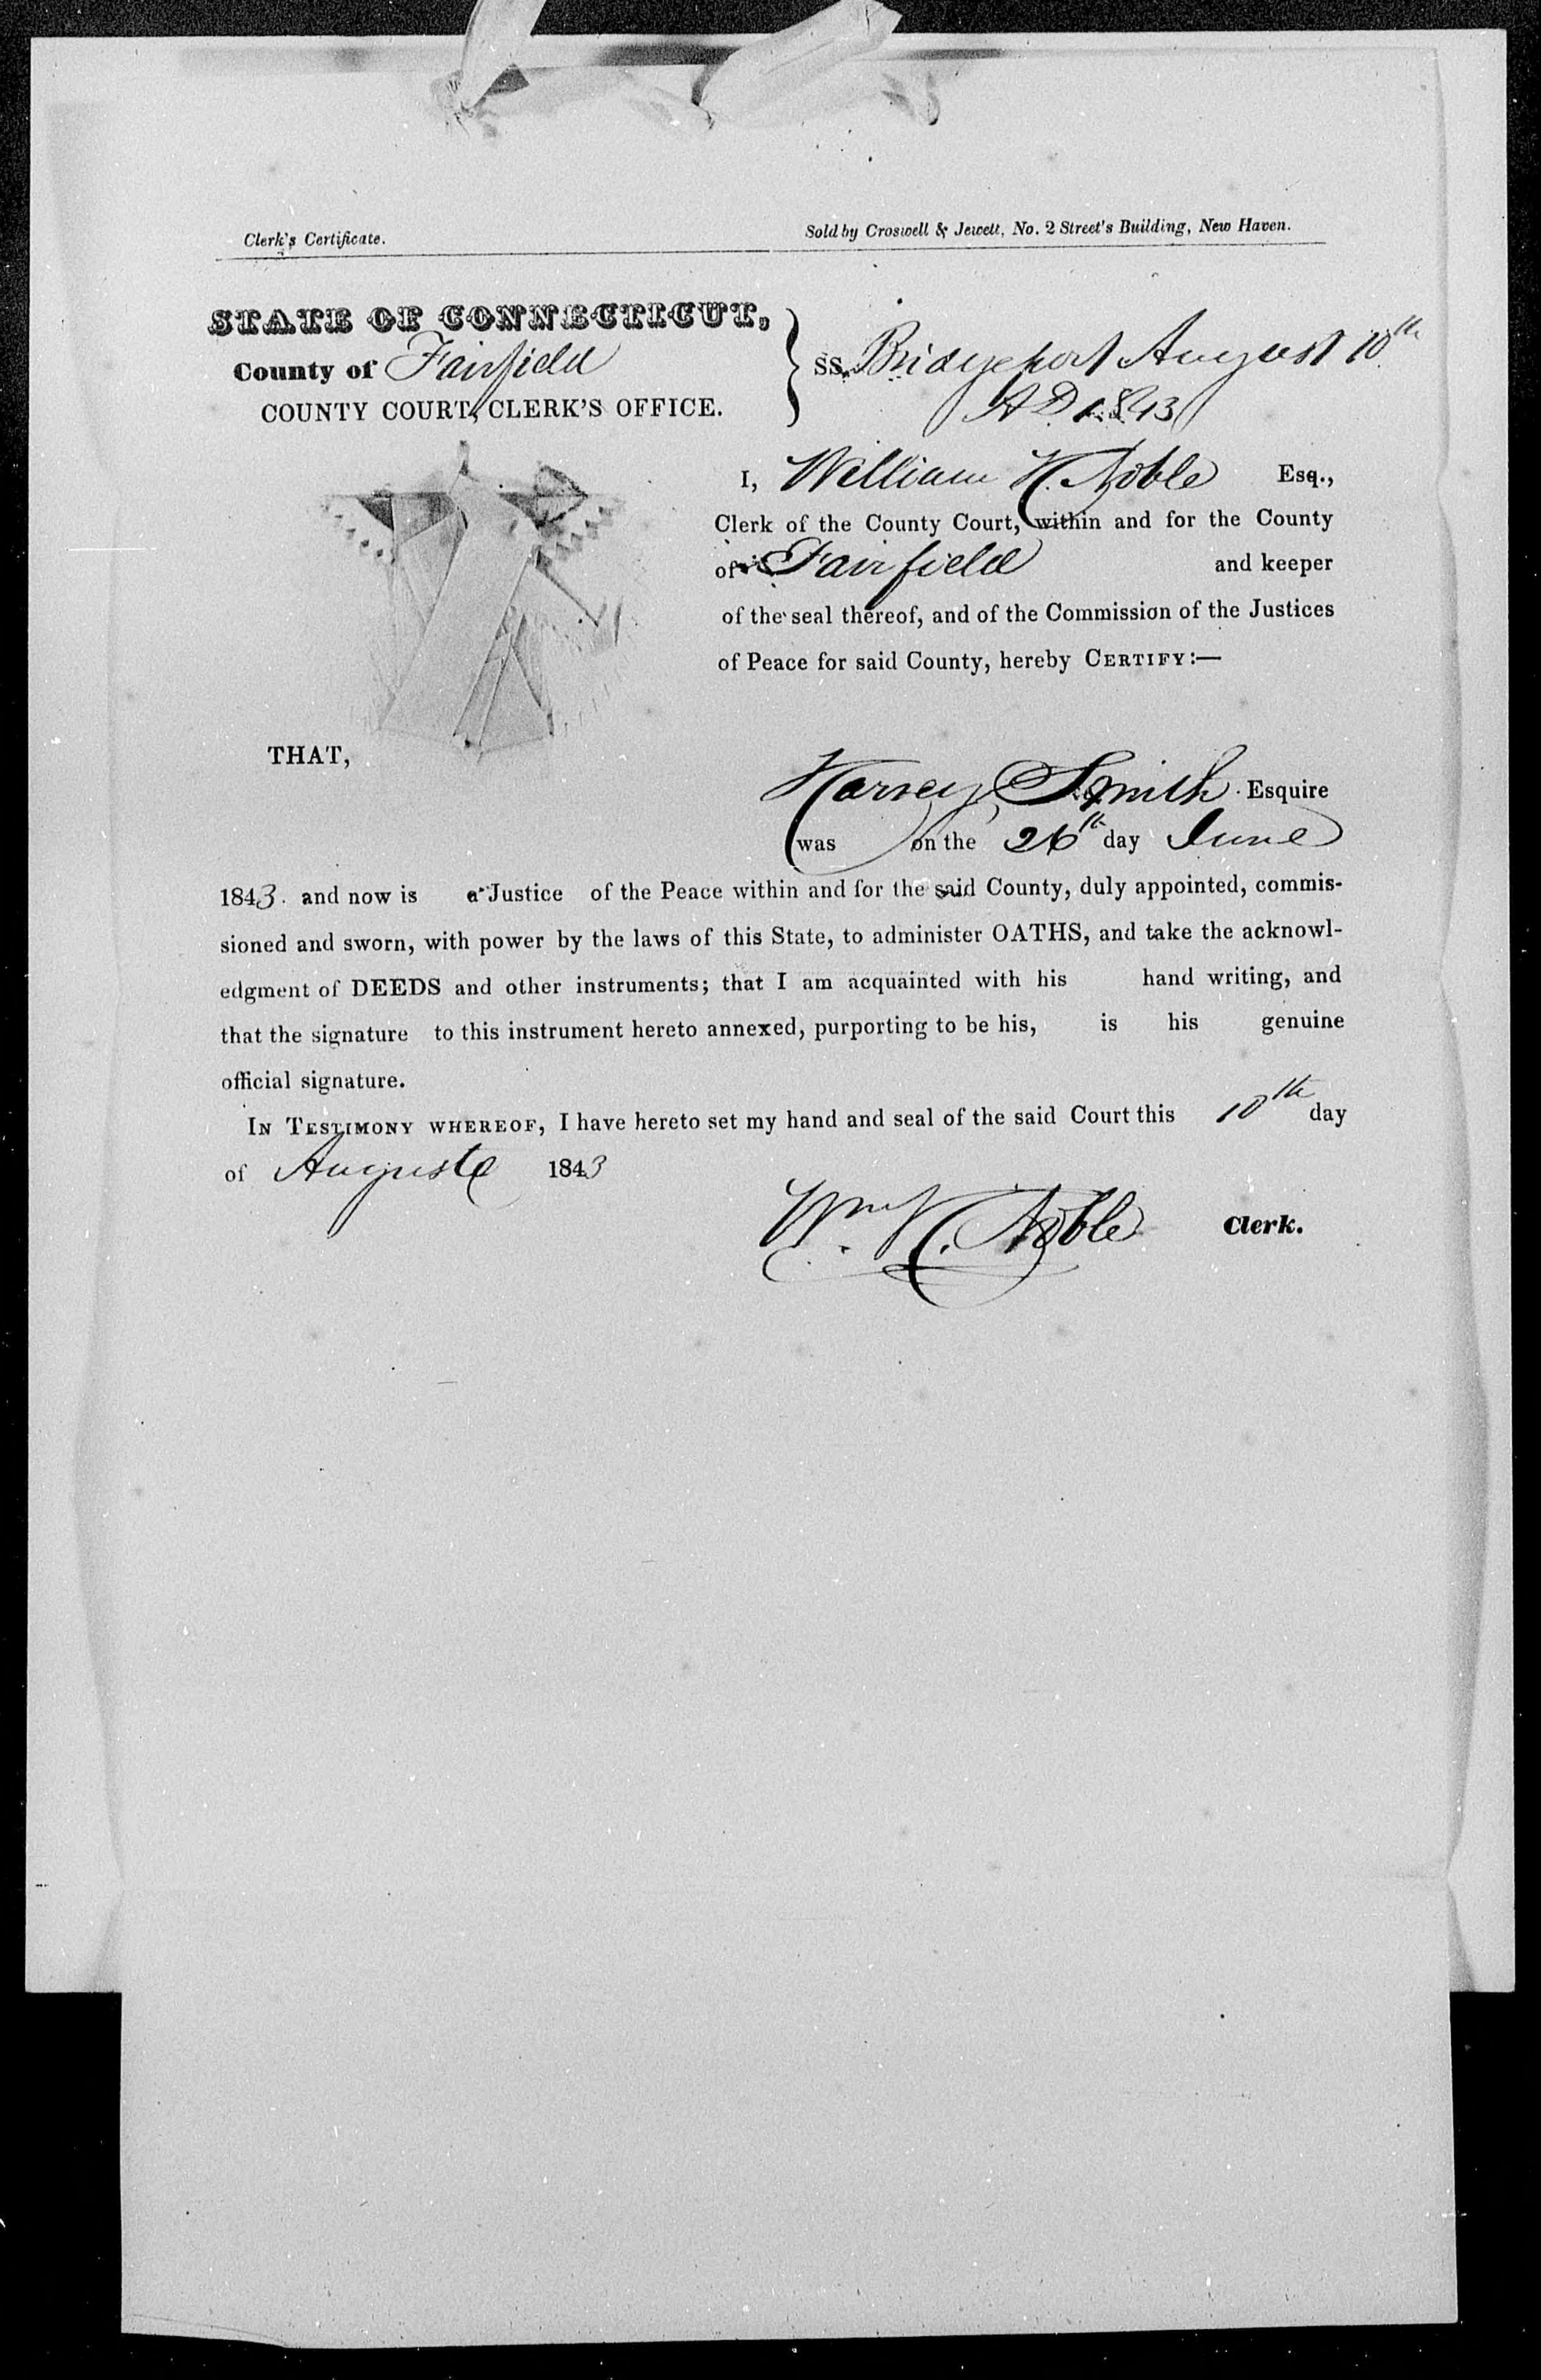Clerk's Certificate.    
Sold by Croswell & Jewell, No. 2 Street's Building, New Haven.

STATE OF CONNECTICUT,              }
County of Fairfield                         }
COUNTY COURT, CLERK'S OFFICE.} SS. Bridgeport August 10th AD 1843

I, William N Noble Esq., Clerk of the County Court, within and for the County of Fairfield and keeper of the seal thereof, and of the Commission of the Justices of Peace for said County, hereby CERTIFY:—
THAT,
Harvey Smith Esquire was on the 26th day June 1843 and now is a Justice of the Peace within and for the said County, duly appointed, commissioned and sworn, with power by the laws of this State, to administer OATHS, and take the acknowledgment of DEEDS and other instruments; that I am acquainted with his hand writing, and that the signature to this instrument hereto annexed, purporting to be his, is his genuine official signature.
IN TESTIMONY WHEREOF, I have hereto set my hand and seal of the said Court this 10th day of August 1843
Wm. N. Noble Clerk.

Partial imprint of a seal is present but illegible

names: William N Noble, Wm J Noble, Harvey Smith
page: 18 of 29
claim: widow's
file: W. 17720, Arnold Dickens, New York